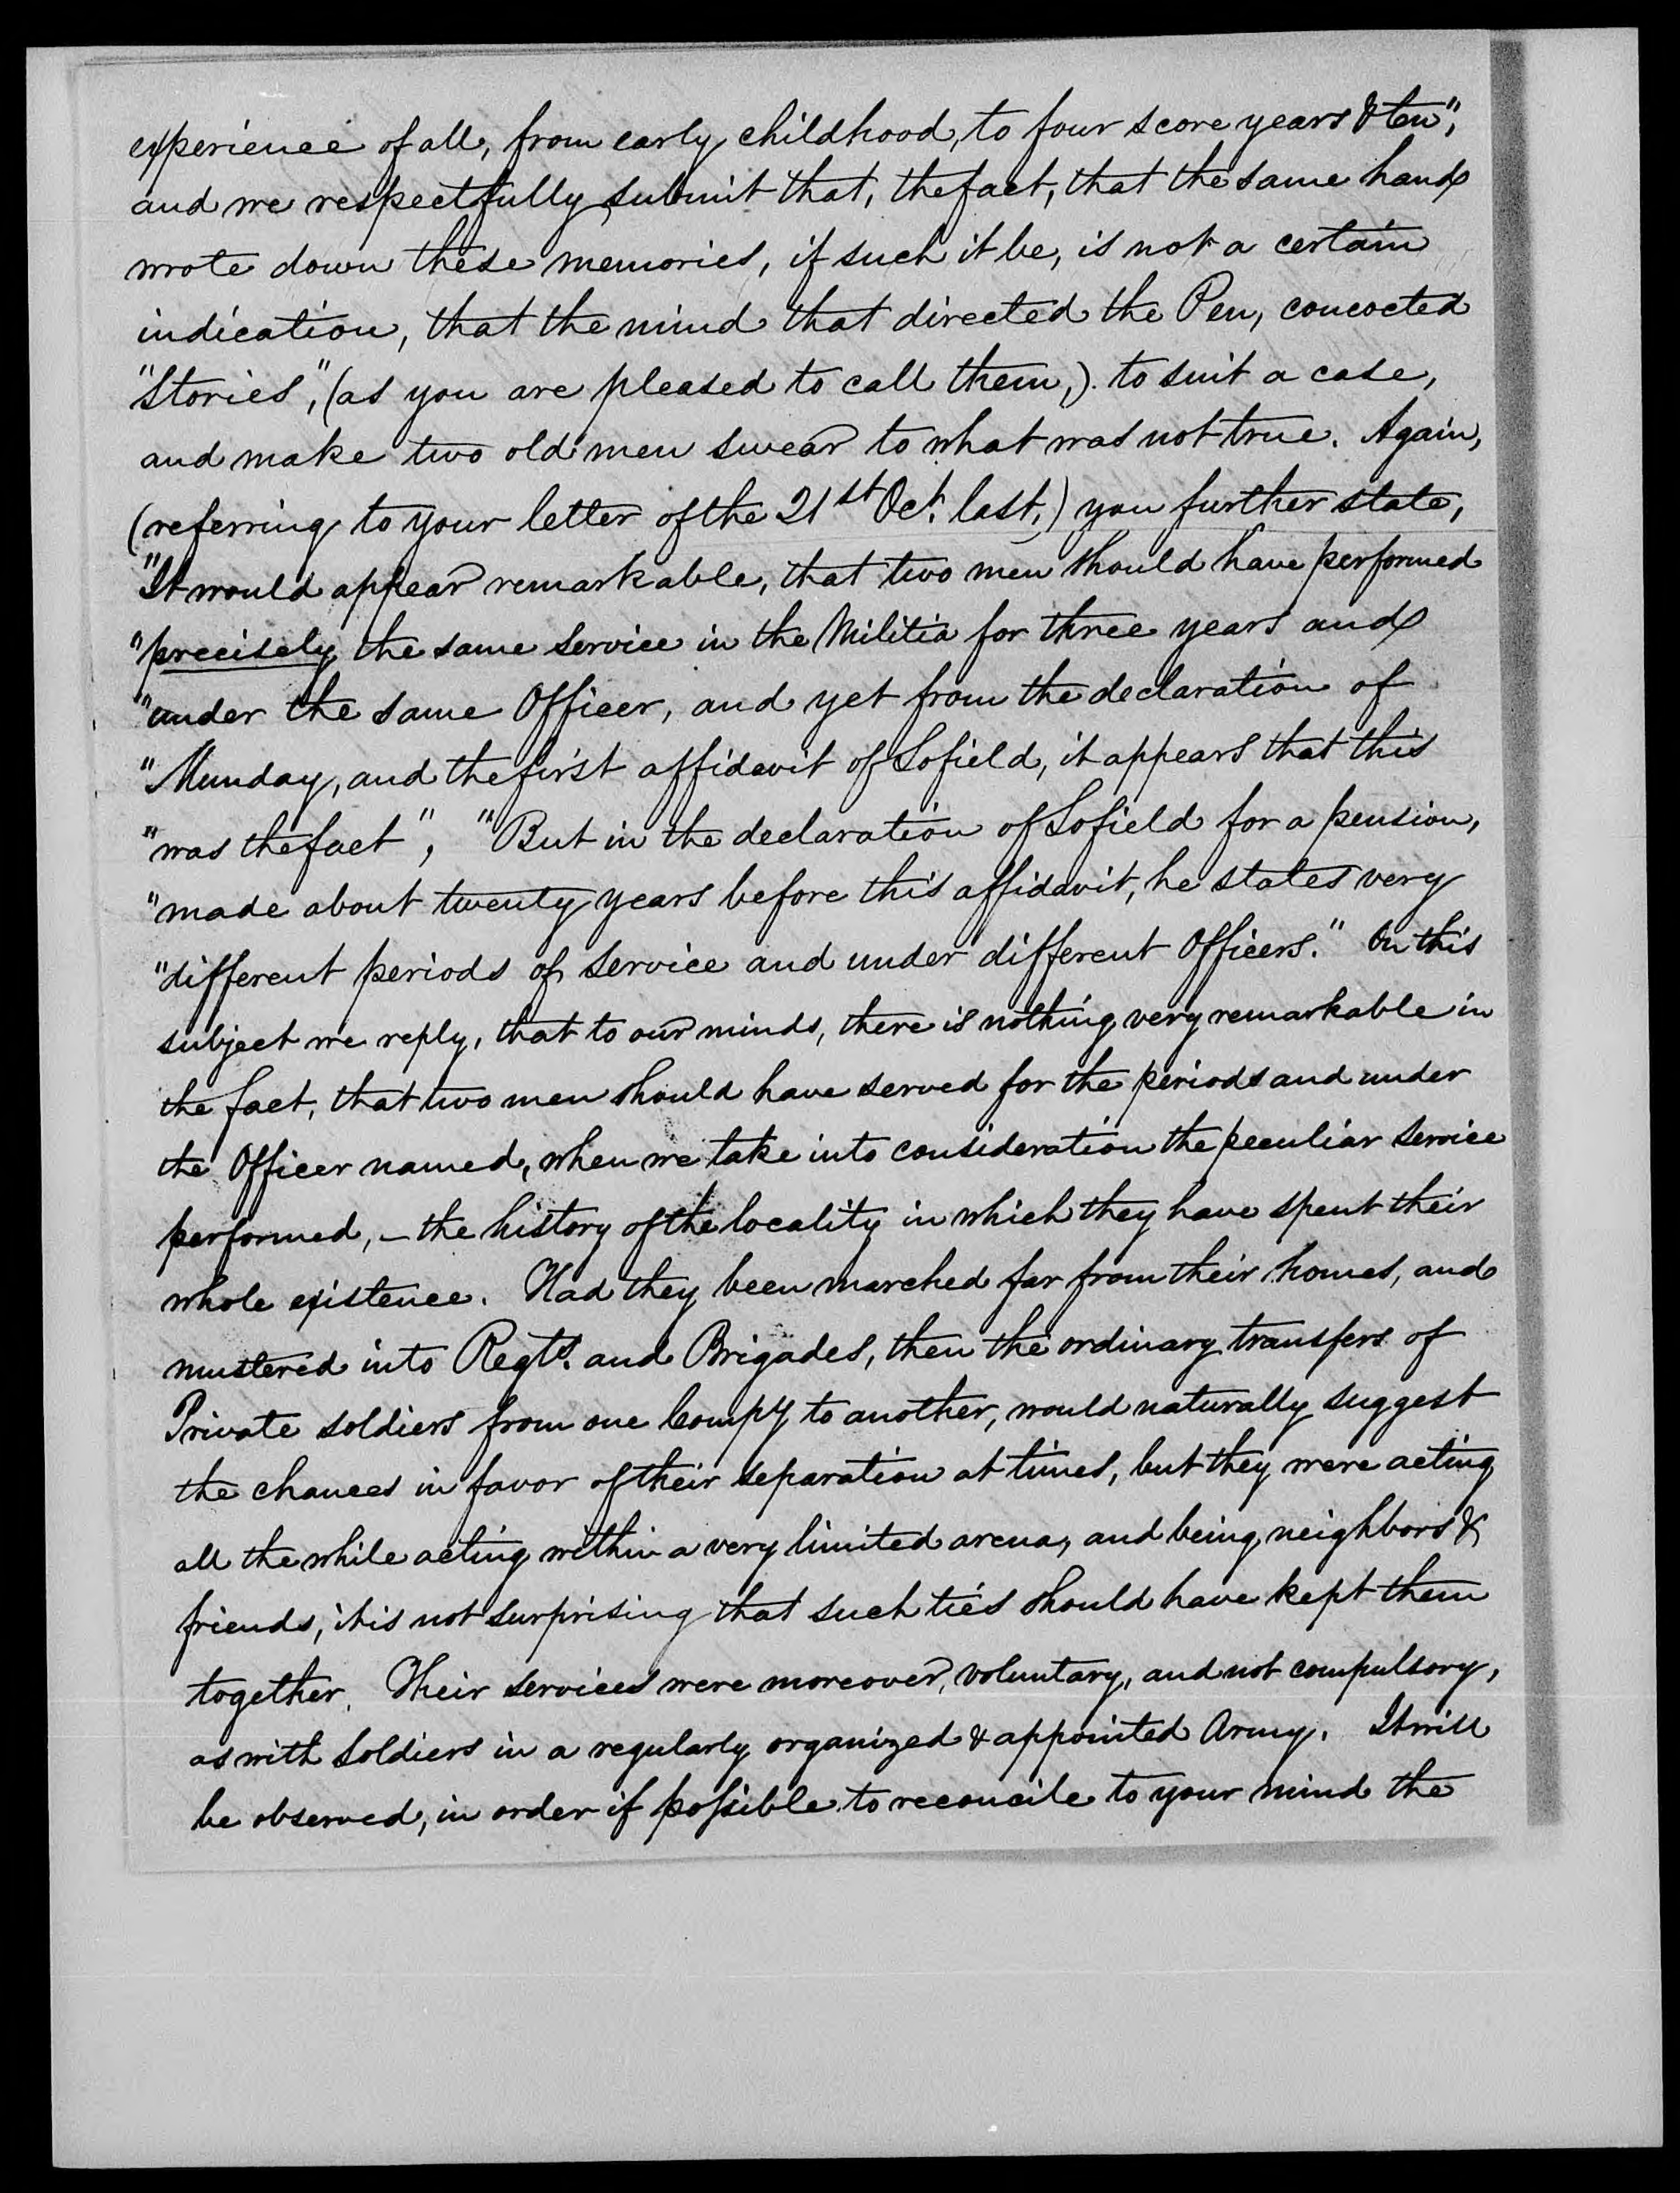...experience of all, from early childhood to four score years & ten", and we respectfully submit that the fact that the same hands wrote down these memories, if such it be, is not a certain indication that the mind that directed the pen, concocted "stories" (as you are pleased to call them) to suit a case and make two old men swear to what was not true. Again, (referring to your letter of the 21st Oct. last,) you further state, "It would appear remarkable that two men should have performed precisely the same service in the militia for three years and "under the same officer, and yet from the declaration of "Munday, and the first affidavit of Sofield, it appears that this, "was the fact," "But in the declaration of Sofield for a pension "made about twenty years before this affidavit, he states very, "different periods of service and under different officers." On this subject we reply, that to our minds, there is nothing very remarkable in the fact that two men should have served for the period and under the officer named, when we take into consideration the peculiar service performed, the history of the locality in which they have spent their whole existence. Had they been marched far from their homes and mustered into reg(iments) and brigades, then the ordinary transfers of private soldiers from one company to another would naturally suggest the chances in favor of their separation at times, but they were acting, all the while acting, within a very limited arena, and being neighbors &
friends, it is not surprising that such ties should have kept them together. Their services were moreover, voluntary, and not compulsory, as with soldiers in a regularly organized & appointed army. It will be observed, in order if possible to reconcile to your mind the...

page: 39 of 95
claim: survivor's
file: S 2889, for Levi Mundy, New Jersey